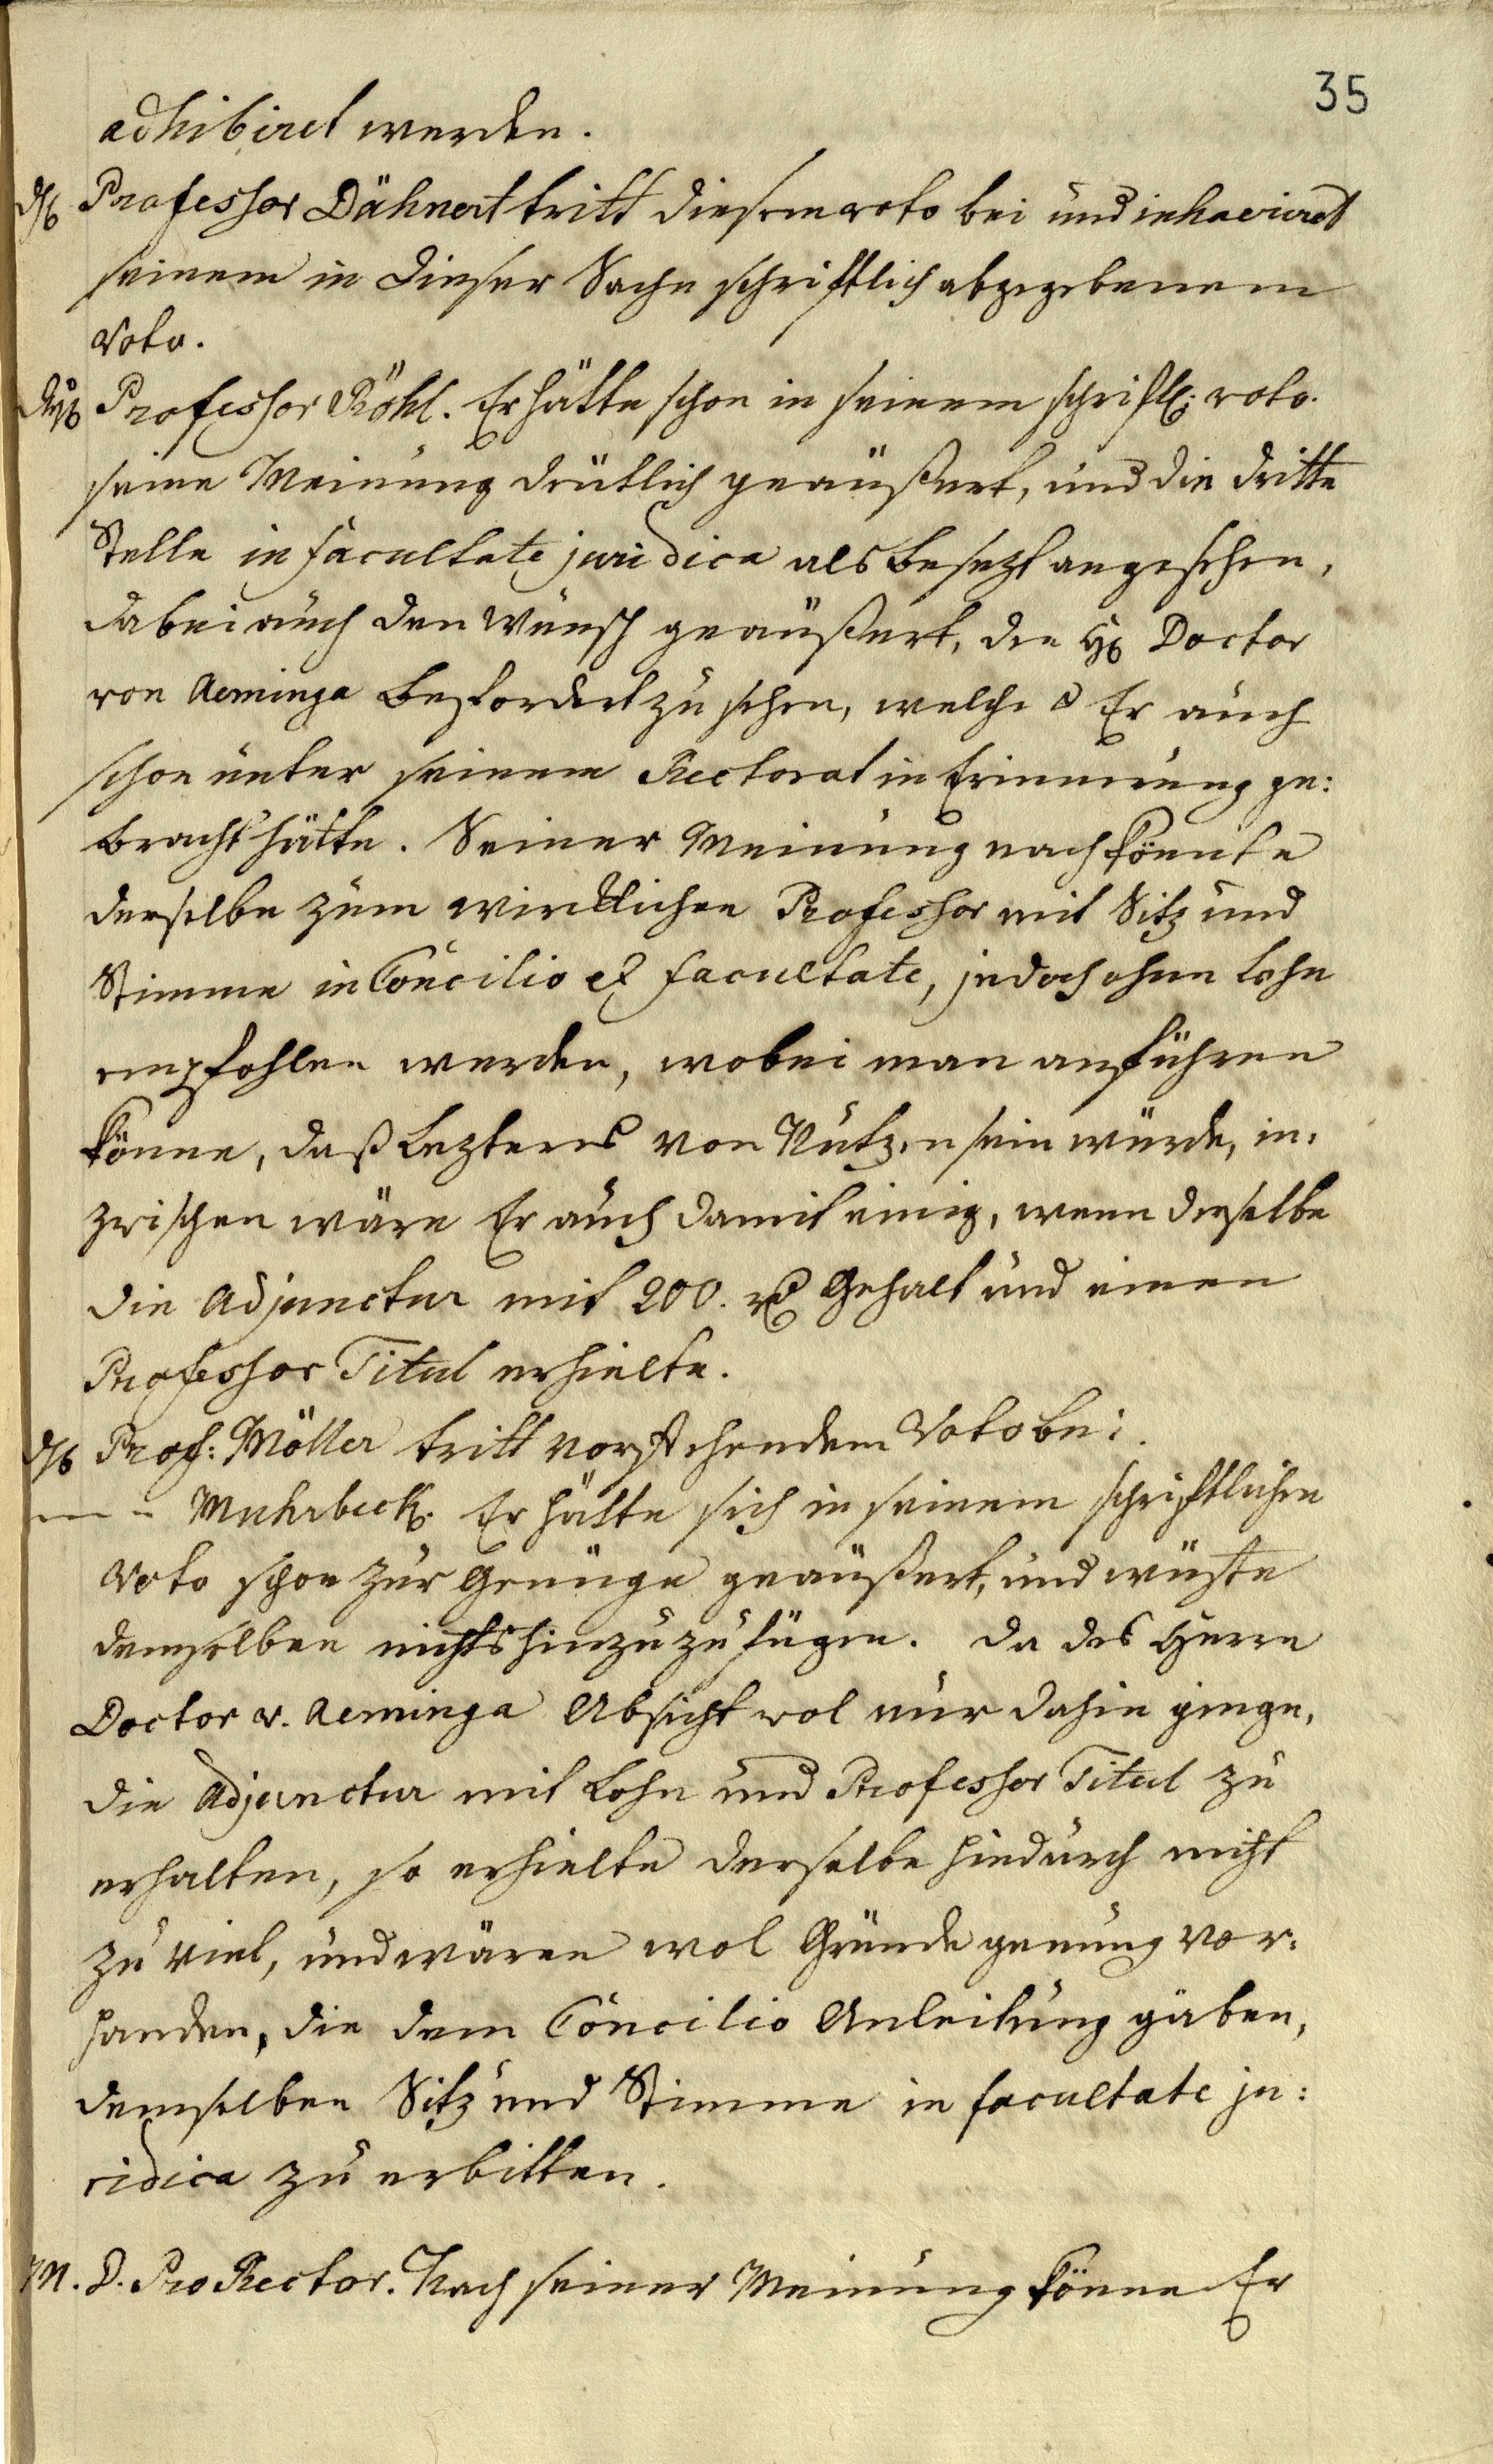adhibiret werden.
dh Professor Dähnert tritt diesem voto bei und inhaeriret
seinem in dieser Sache schriftlich abgegebenem
voto.
dh Professor Röhl. Er hätte schon in seinem schriftl. voto
seine Meinung deutlich geäußert, und die dritte
Stelle in Facultate juridica als besezt angesehen,
dabei auch den Wunsch geäußert, den H Doctor
von Aeminga befordert zu sehen, welche Er auch
schon unter seinem Rectorat in Erinnerung ge¬
bracht hätte. Seiner Meinung nach könnte
derselbe zum wircklichen Professor mit Sitz und
Stimme in Concilio et Facultate, jedoch ohne Lohn
empfohlen werden, wobei man anführen
könne, daß Lezteres von Nutzen sein würde, in¬
zwischen wäre Er auch damit einig, wenn derselbe
die Adjunctur mit 200 rl. Gehalt und einen
Professor Titul erhielte.
dh Prof. Möller tritt vorstehendem Voto bei.
Muhrbeck. Er hätte sich in seinem schriftlichen
voto schon zur Genüge geäußert, und wüste
demselben nichts hinzu zu fügen. Da des Herrn
Doctor v. Aeminga Absicht nur dahin ginge,
die Adjunctur mit Lohn und Professor Titul zu
erhalten, so erhielte derselbe hiedurch nicht
zu viel, und wären wol Gründe genug vor¬
handen, die dem Concilio Anleitung gäben,
demselben Sitz und Stimme in facultate ju¬
ridica zu erbitten.
M. D. Rector. Nach seiner Meinung könne Er